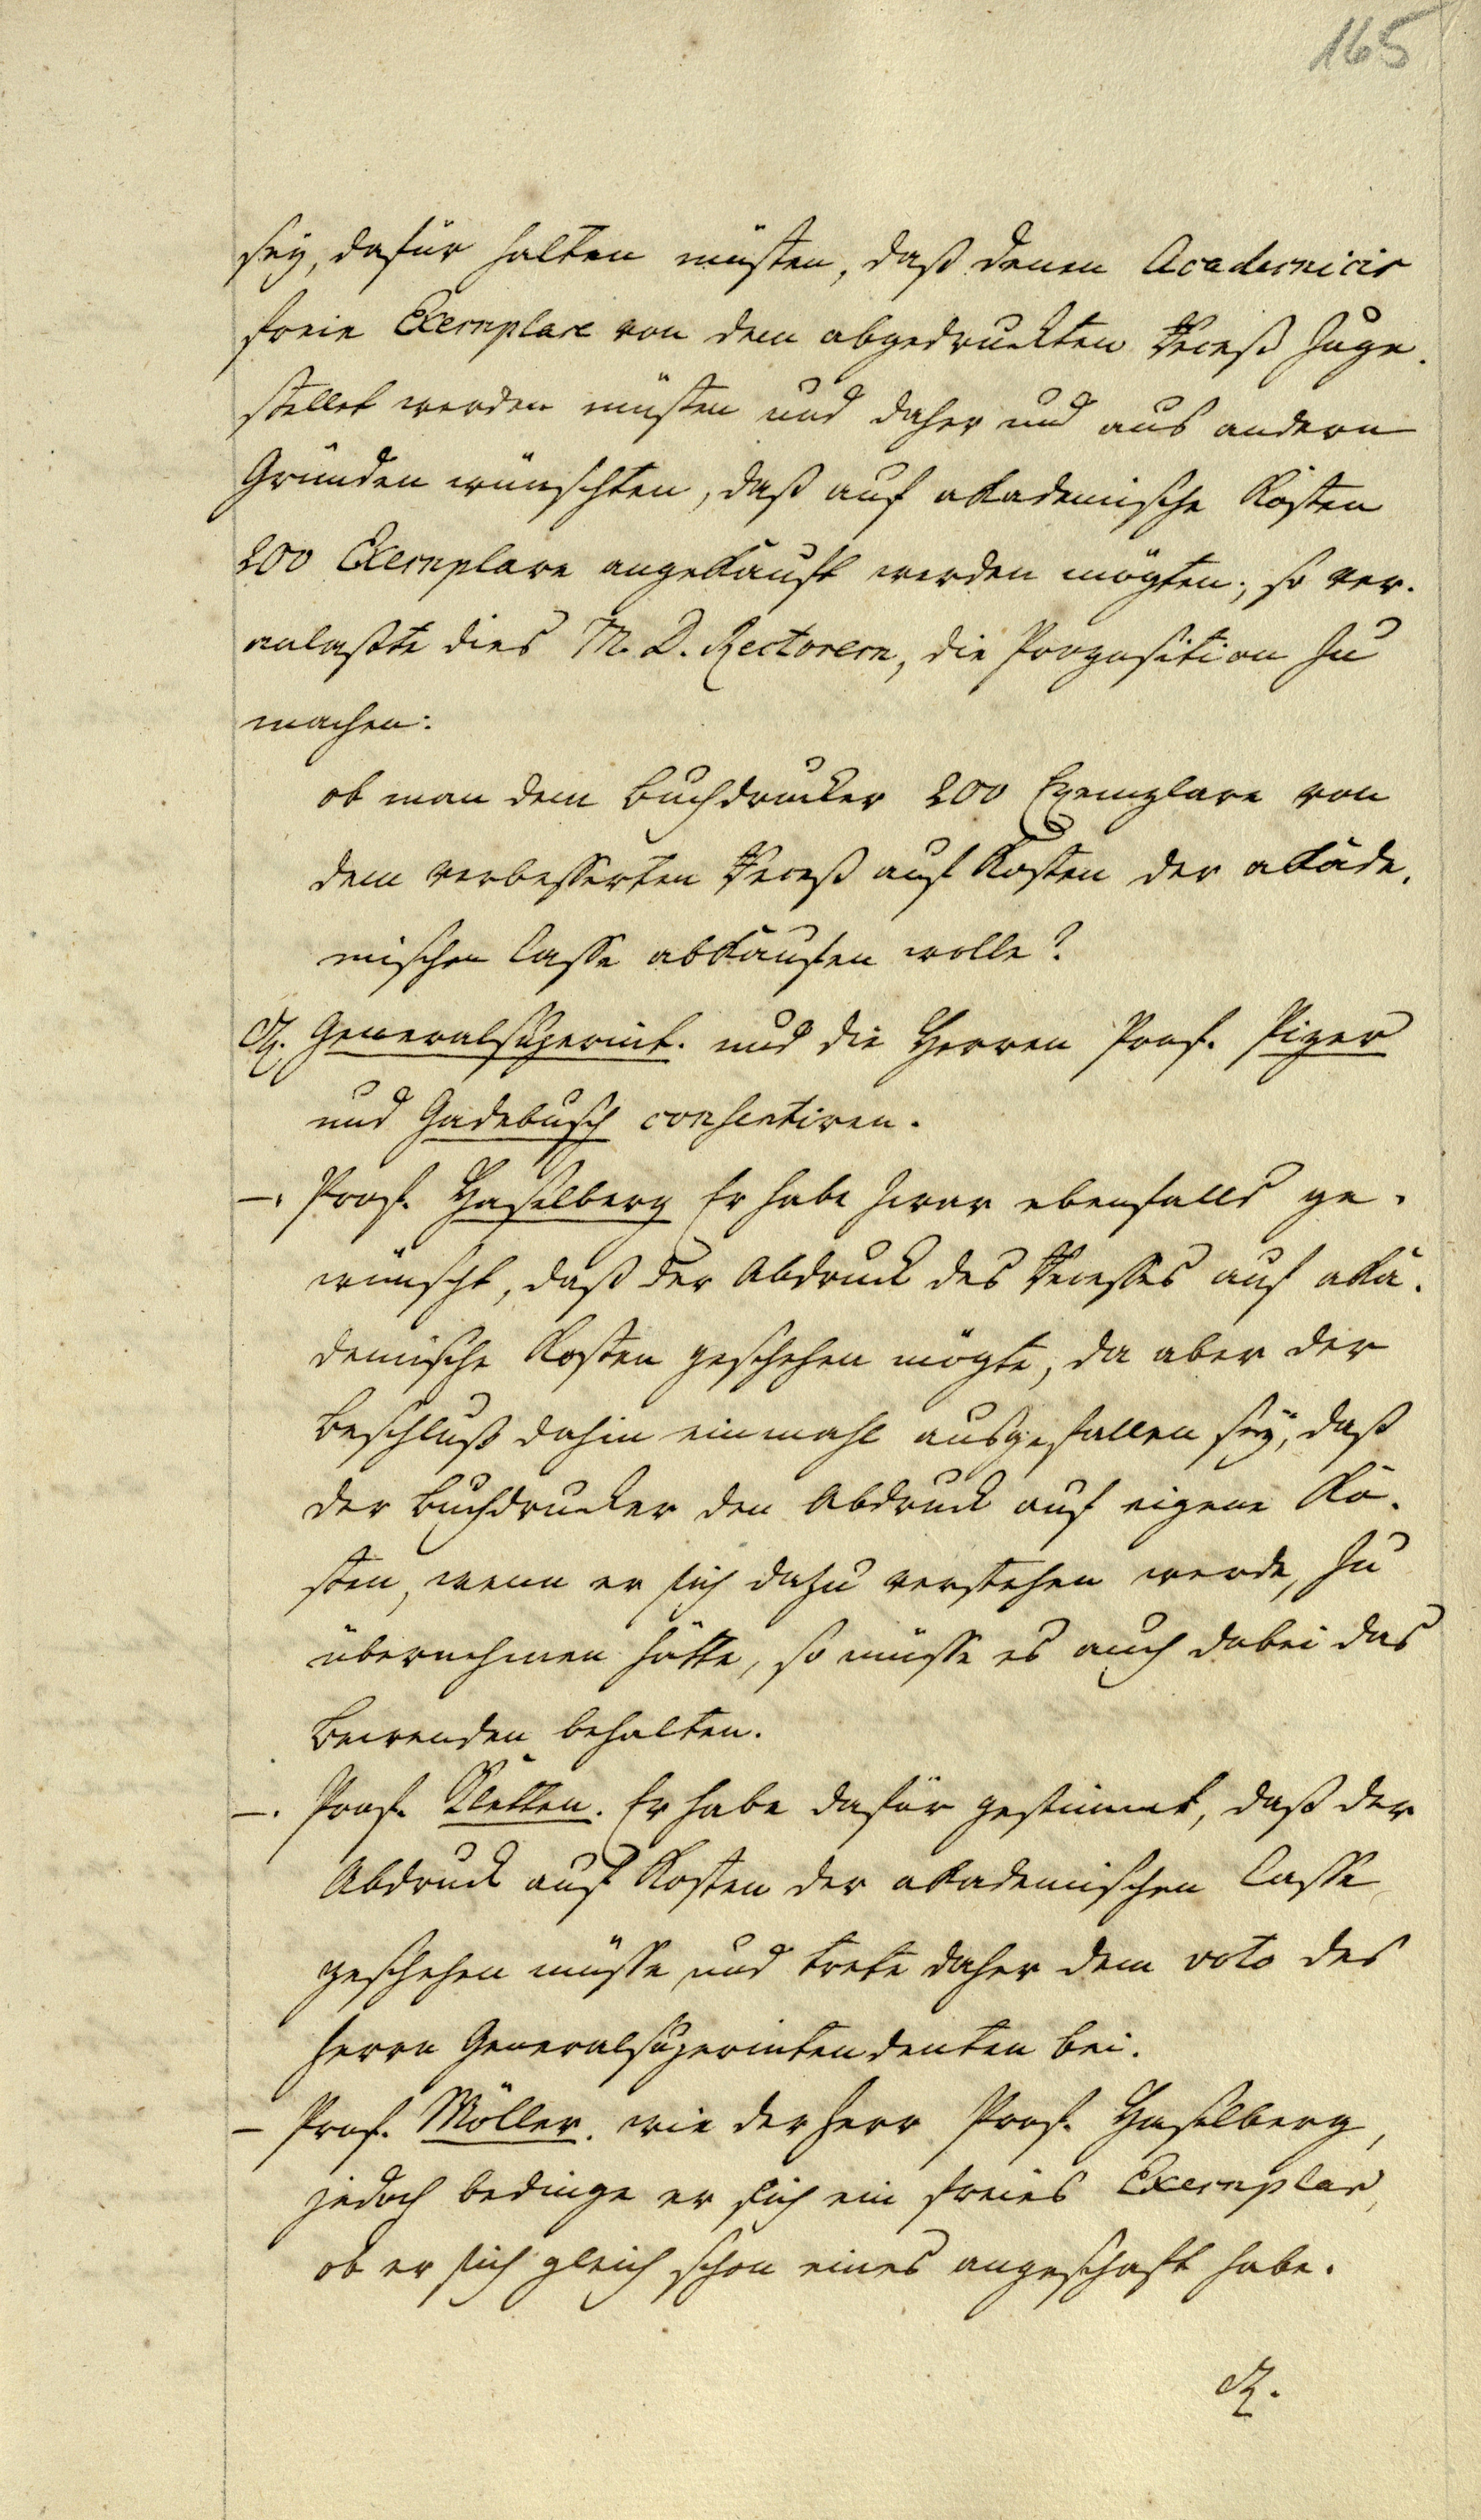seÿ, dafür halten müßten, daß denen Academicis
freie Exemplare von dem abgedruckten Receß zuge¬
stellet werden müßten und daher und aus andern
Gründen wünschten, daß auf akademische Kosten
200 Exemplare angekauft werden mögten; so ver¬
anlaßte dies M. D. Rectorem, die Proposition zu
machen:
ob man dem Buchdrucker 200 Exemplare von
dem verbesserten Receß auf Kosten der akade¬
mischen Casse abkaufen wolle?
dh. Generalsuperint. und die Herren Prof. Piper
und Gadebusch consentiren.
Prof. Haselberg Er habe zwar ebenfalls ge¬
wünscht, daß der Abdruck des Recesses auf aka¬
demische Kosten geschehen mögte, da aber der
Beschluß dahin einmahl ausgefallen seÿ, daß
der Buchdrucker den Abdruck auf eigene Ko¬
sten, wenn er sich dazu verstehen werde, zu
übernehmen hätte, so müsse es auch dabei das
Bewenden behalten.
Prof. Kletten. Er habe dafür gestimmt, daß der
Abdruck auf Kosten der akademischen Casse
geschehen müsse und trete daher dem voto des
Herrn Generalsuperintendenten bei.
Prof. Möller, wie der Herr Prof. Haselberg,
jedoch bedinge er sich ein freies Exemplar,
ob er sich gleich schon eines angeschaft habe.
dh.